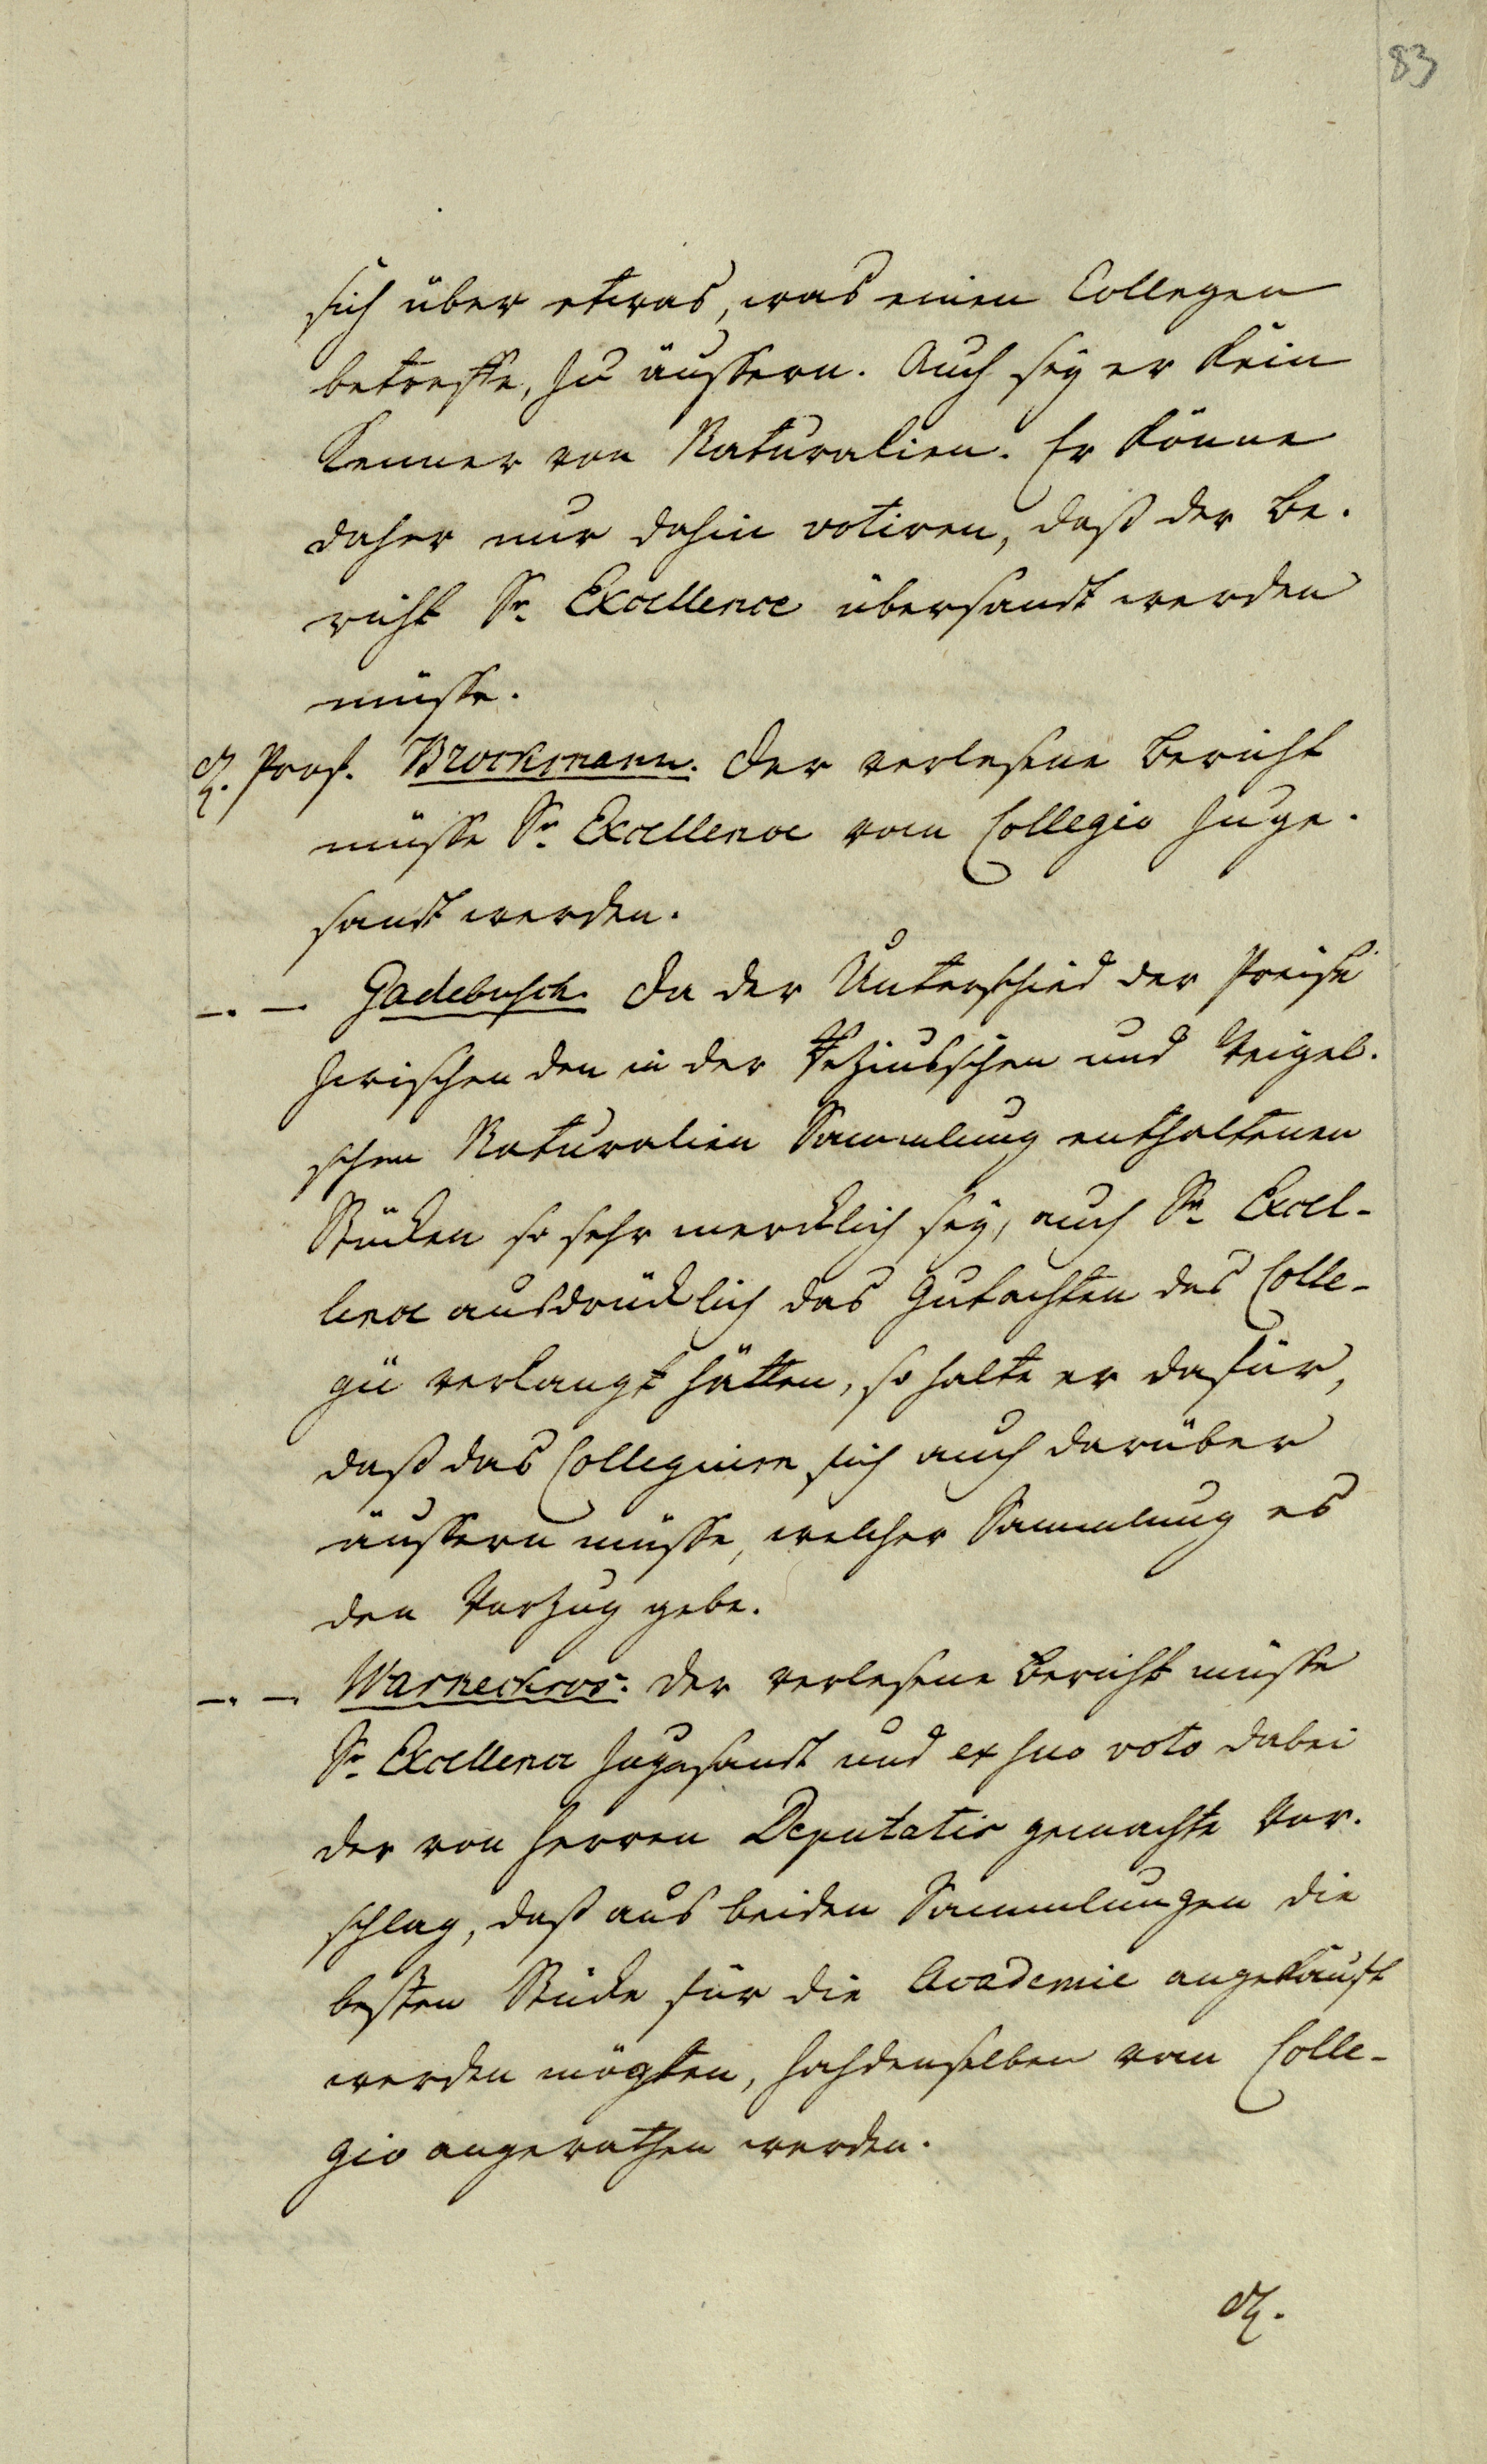sich über etwas, was einen Collegen
betreffe, zu äussern. Auch seÿ er kein
Kenner von Naturalien. Er könne
daher nur dahin votiren, daß der Be¬
richt Sr Excellence übersandt werden
müsse.
dh. Prof. Brockmann. Der verlesene Bericht
müsse Sr Excellence vom Collegio zuge¬
sandt werden.
Gadebusch. Da der Unterschied der Preise
zwischen den in der Reziusschen und Weigel¬
schen Naturalien Sammlung enthaltenen
Stücken so sehr mercklich seÿ, auch Sr Excel¬
lence ausdrücklich das Gutachten das Colle¬
gii verlangt hätten, so halte er dafür,
daß das Collegium sich auch darüber
äussern müsste, welcher Sammlung es
den Vorzug gebe.
Warneckros. der verlesene Bericht müsse
Sr Excellence zugesandt und ex suo voto dabei
der von Herren Deputatis gemachte Vor¬
schlag, daß aus beiden Sammlungen die
besten Stücke für die Academie angekauft
werden mögten, hoachdenselben vom Colle¬
gio angerathen werden.
dh.